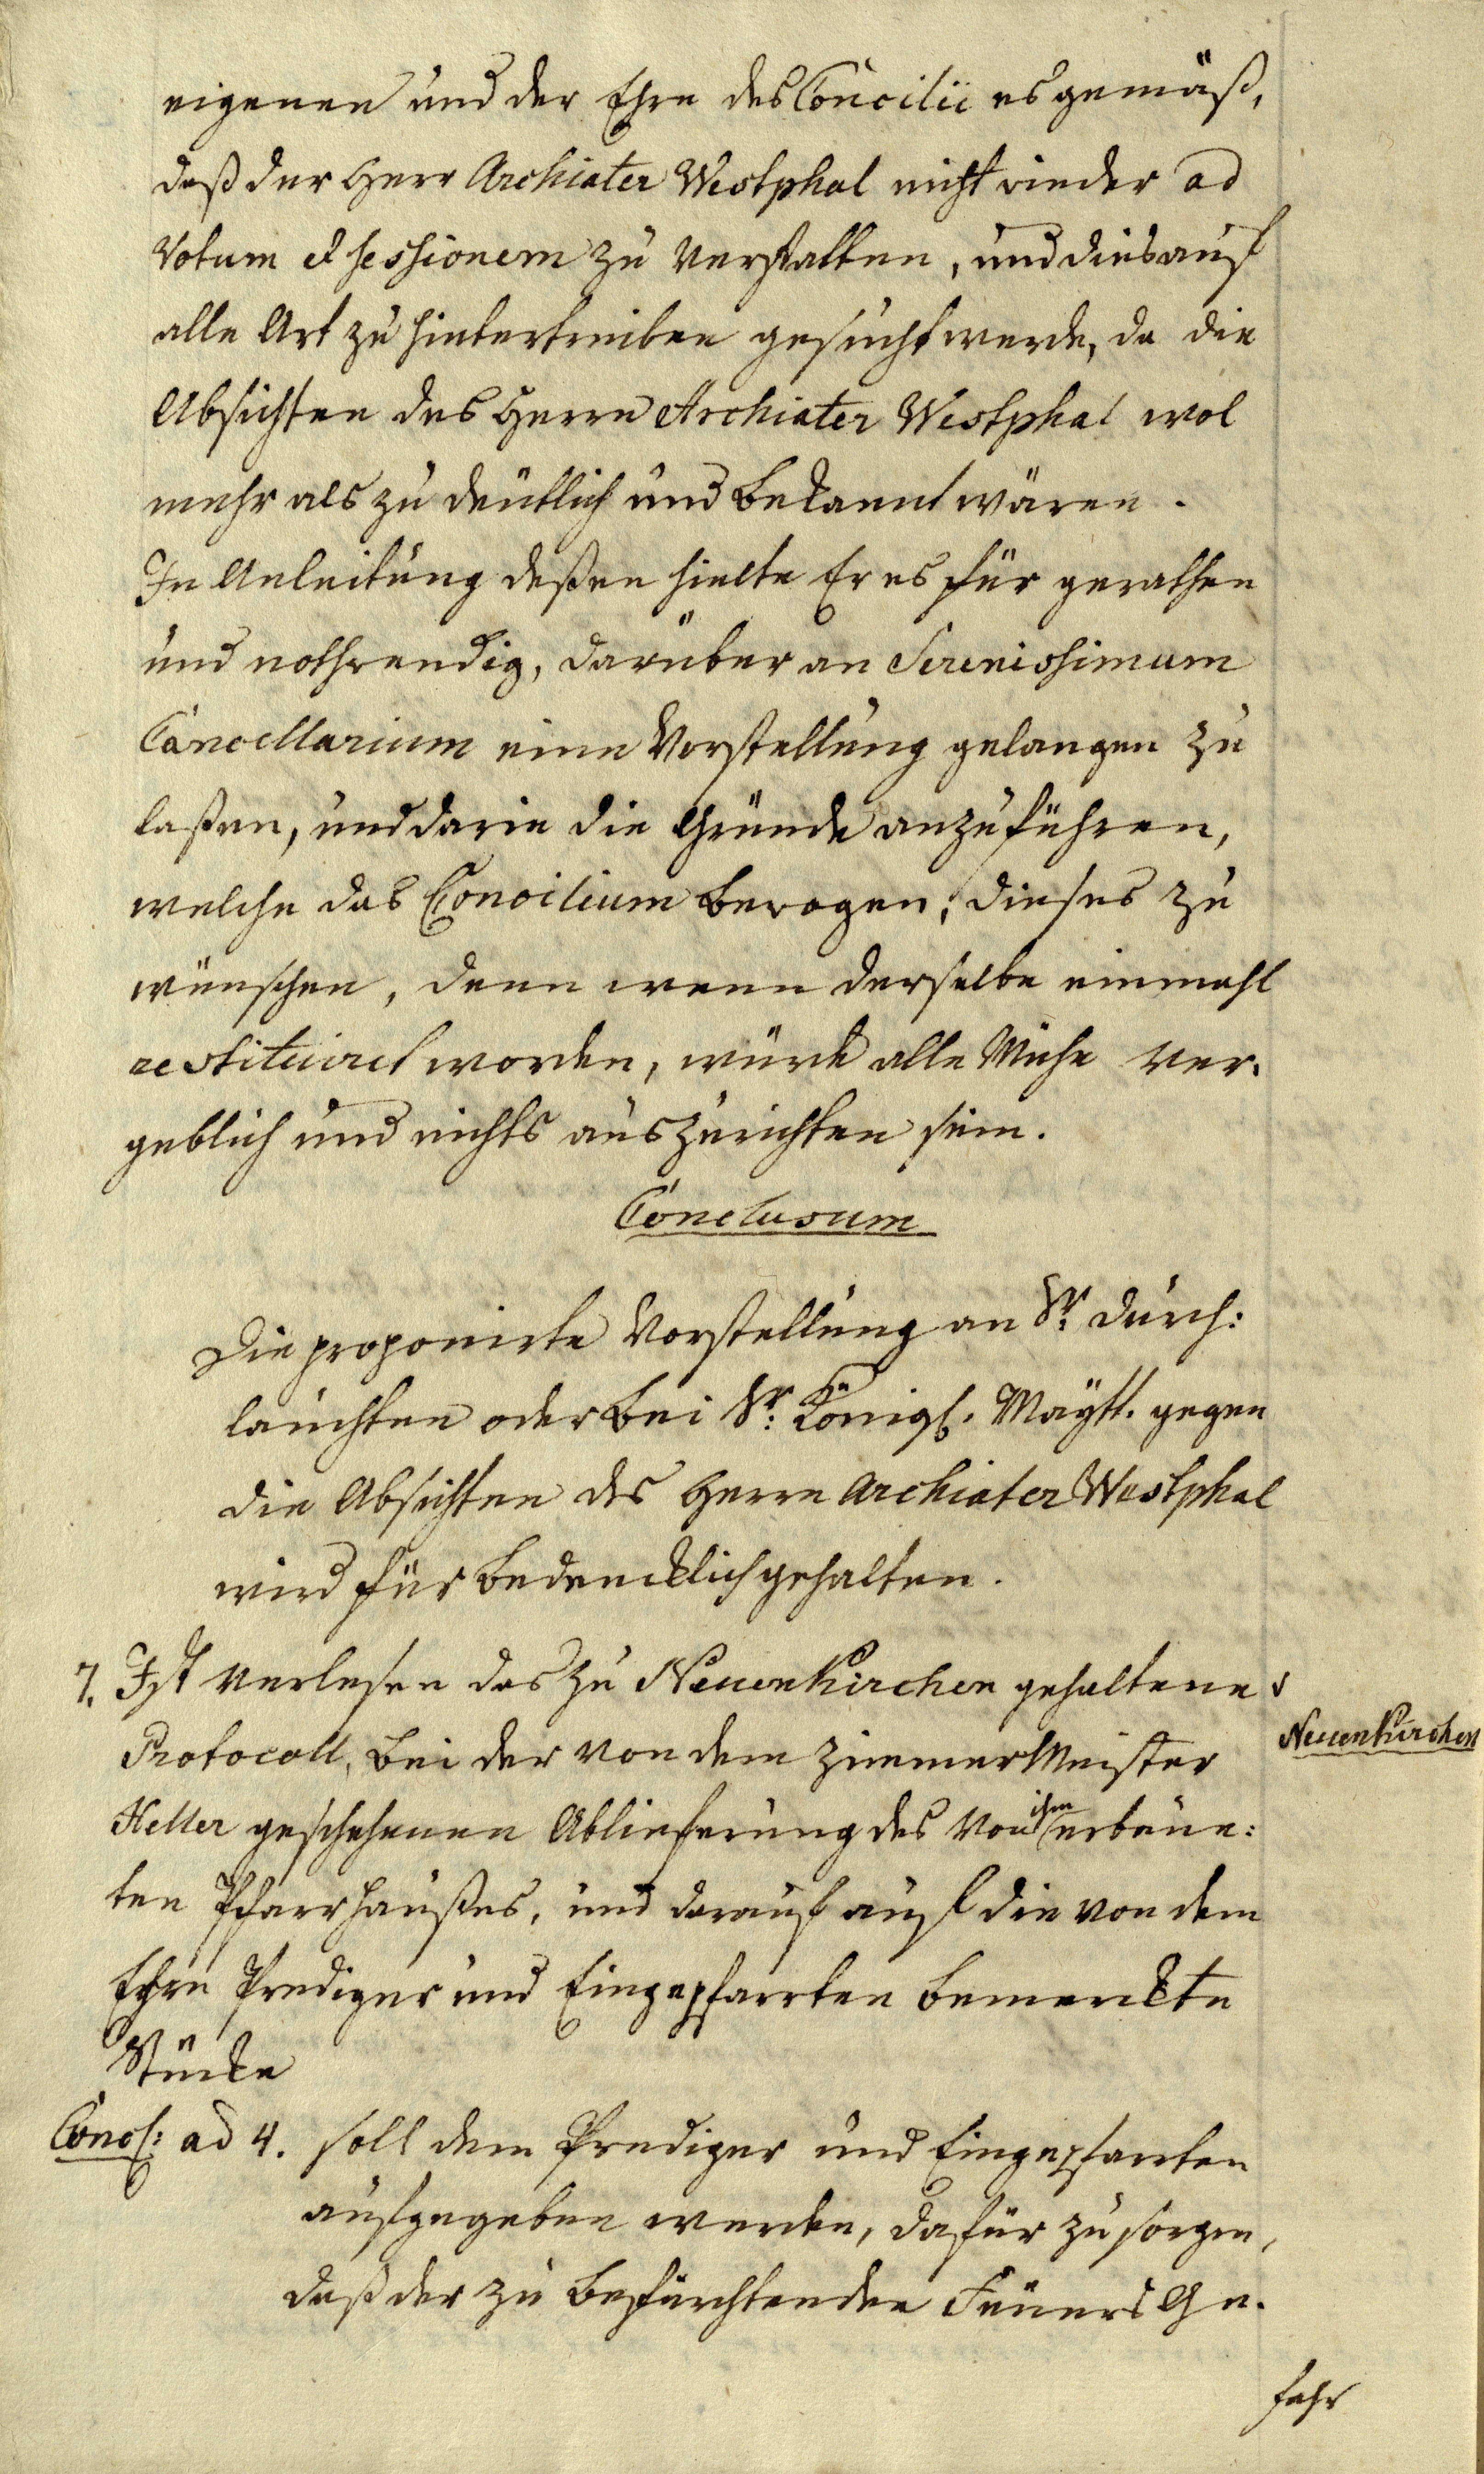eigenen und der Ehre des Concilii er gemäß,
daß der Herr Archiater Westphal nicht wieder ad
Votum et sessionem zu verstatten, und dies auf
alle Art zu hintertreiben gesucht werde, da die
Absichten des Herrn Archiater Westphal wol
mehr als zu deutlich und bekannt wären.
In Anleitung dessen hielte Er es für gerathen
und nothwendig, darüber an Serenissimum
Cancellarium eine Vorstellung gelangen zu
laßen, und darin die Gründe anzuführen,
welche das Concilium bewogen; dieses zu
wünschen, denn wenn derselbe einmahl
restituiret worden, würde alle Mühe ver¬
geblich und nichts auszurichten sein.
Conclusum
Die proponirte Vorstellung an Sr Durch¬
lauchten oder bei Sr. Königl. Maÿtt. gegen
die Absichten des Herrn Archiater Westphal
wird für bedencklich gehalten.
7, Ist verlesen das zu Neuenkirchen gehaltene
Protocoll bei der von dem Zimmermeister
Heller geschehenen Ablieferung des von ihm erbaue¬
ten Pfarrhauses , und darauf auf die von dem
Ehre Prediger und Eingepfarrten bemerckte
Stücke.
Concl. ad 4. soll dem Prediger und Eingepfarrten
aufgegeben werden, dafür zu sorgen,
daß der zu befürchteten Feuersge¬
fahr